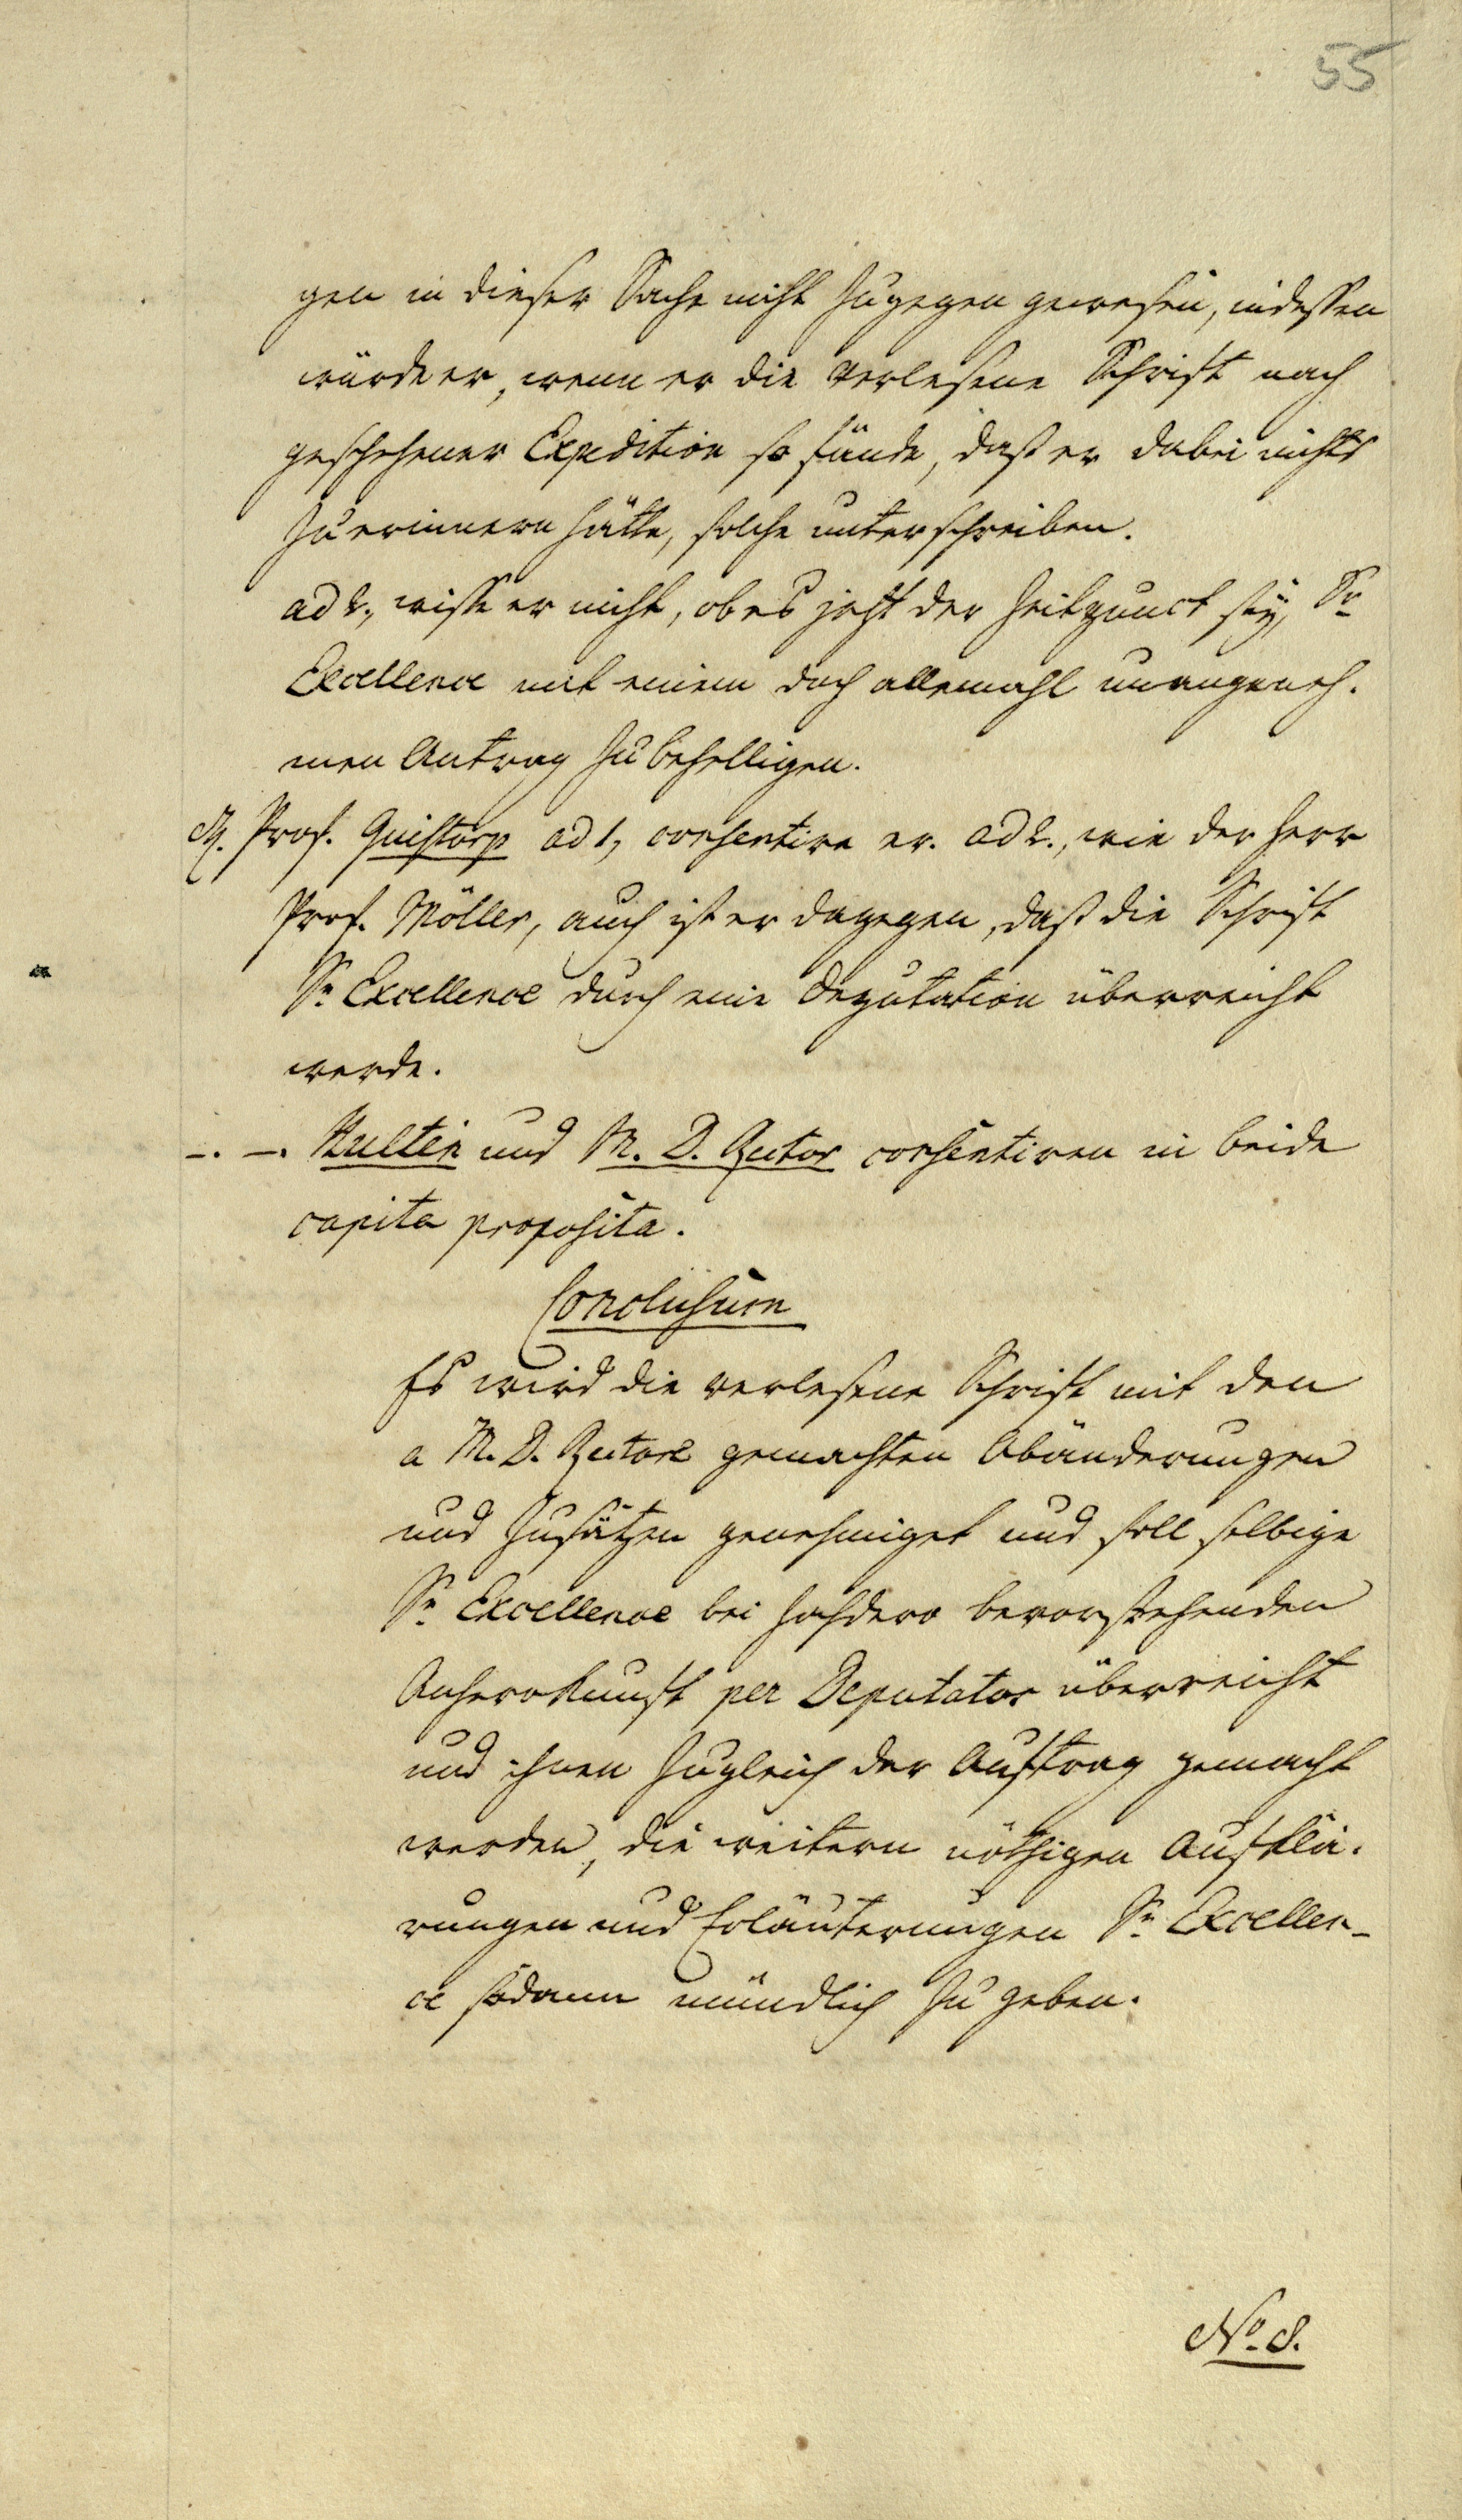gen in dieser Sache nicht zugegen gewesen, indessen
würde er, wenn er die verlesene Schrift nach
geschehener Expedition so fände, daß er dabei nichts
zu erinnern hätte, solche unterschreiben.
ad 2, wisse nicht, ob es jetzt der Zeitpunct seÿ, Sr.
Excellence mit einem doch allemahl unangeneh¬
men Antrag zu behelligen.
dh. Prof. Quistorp ad 1., consentire er. ad 2., wie der Herr
Prof. Möller, auch ist er dagegen, daß die Schrift
Sr Excellence durch eine Deputation überreicht
werde.
Hultén und M. D. Rector consentiren in beide
capita proposita.
Conclusum
Es wird die verlesene Schrift mit den
a M. D. Rectore gemachten Abänderungen
und Zusätzen genehmiget und soll selbige
Sr Excellence bei hochdero bevorstehenden
Anherokunft per Deputatos überreicht
und ihnen zugleich der Auftrag gemacht
werden, die weitern nöthigen Aufklä¬
rungen und Erläuterungen Sr Excellen¬
ce sodann mündlich zu geben.
No 8.